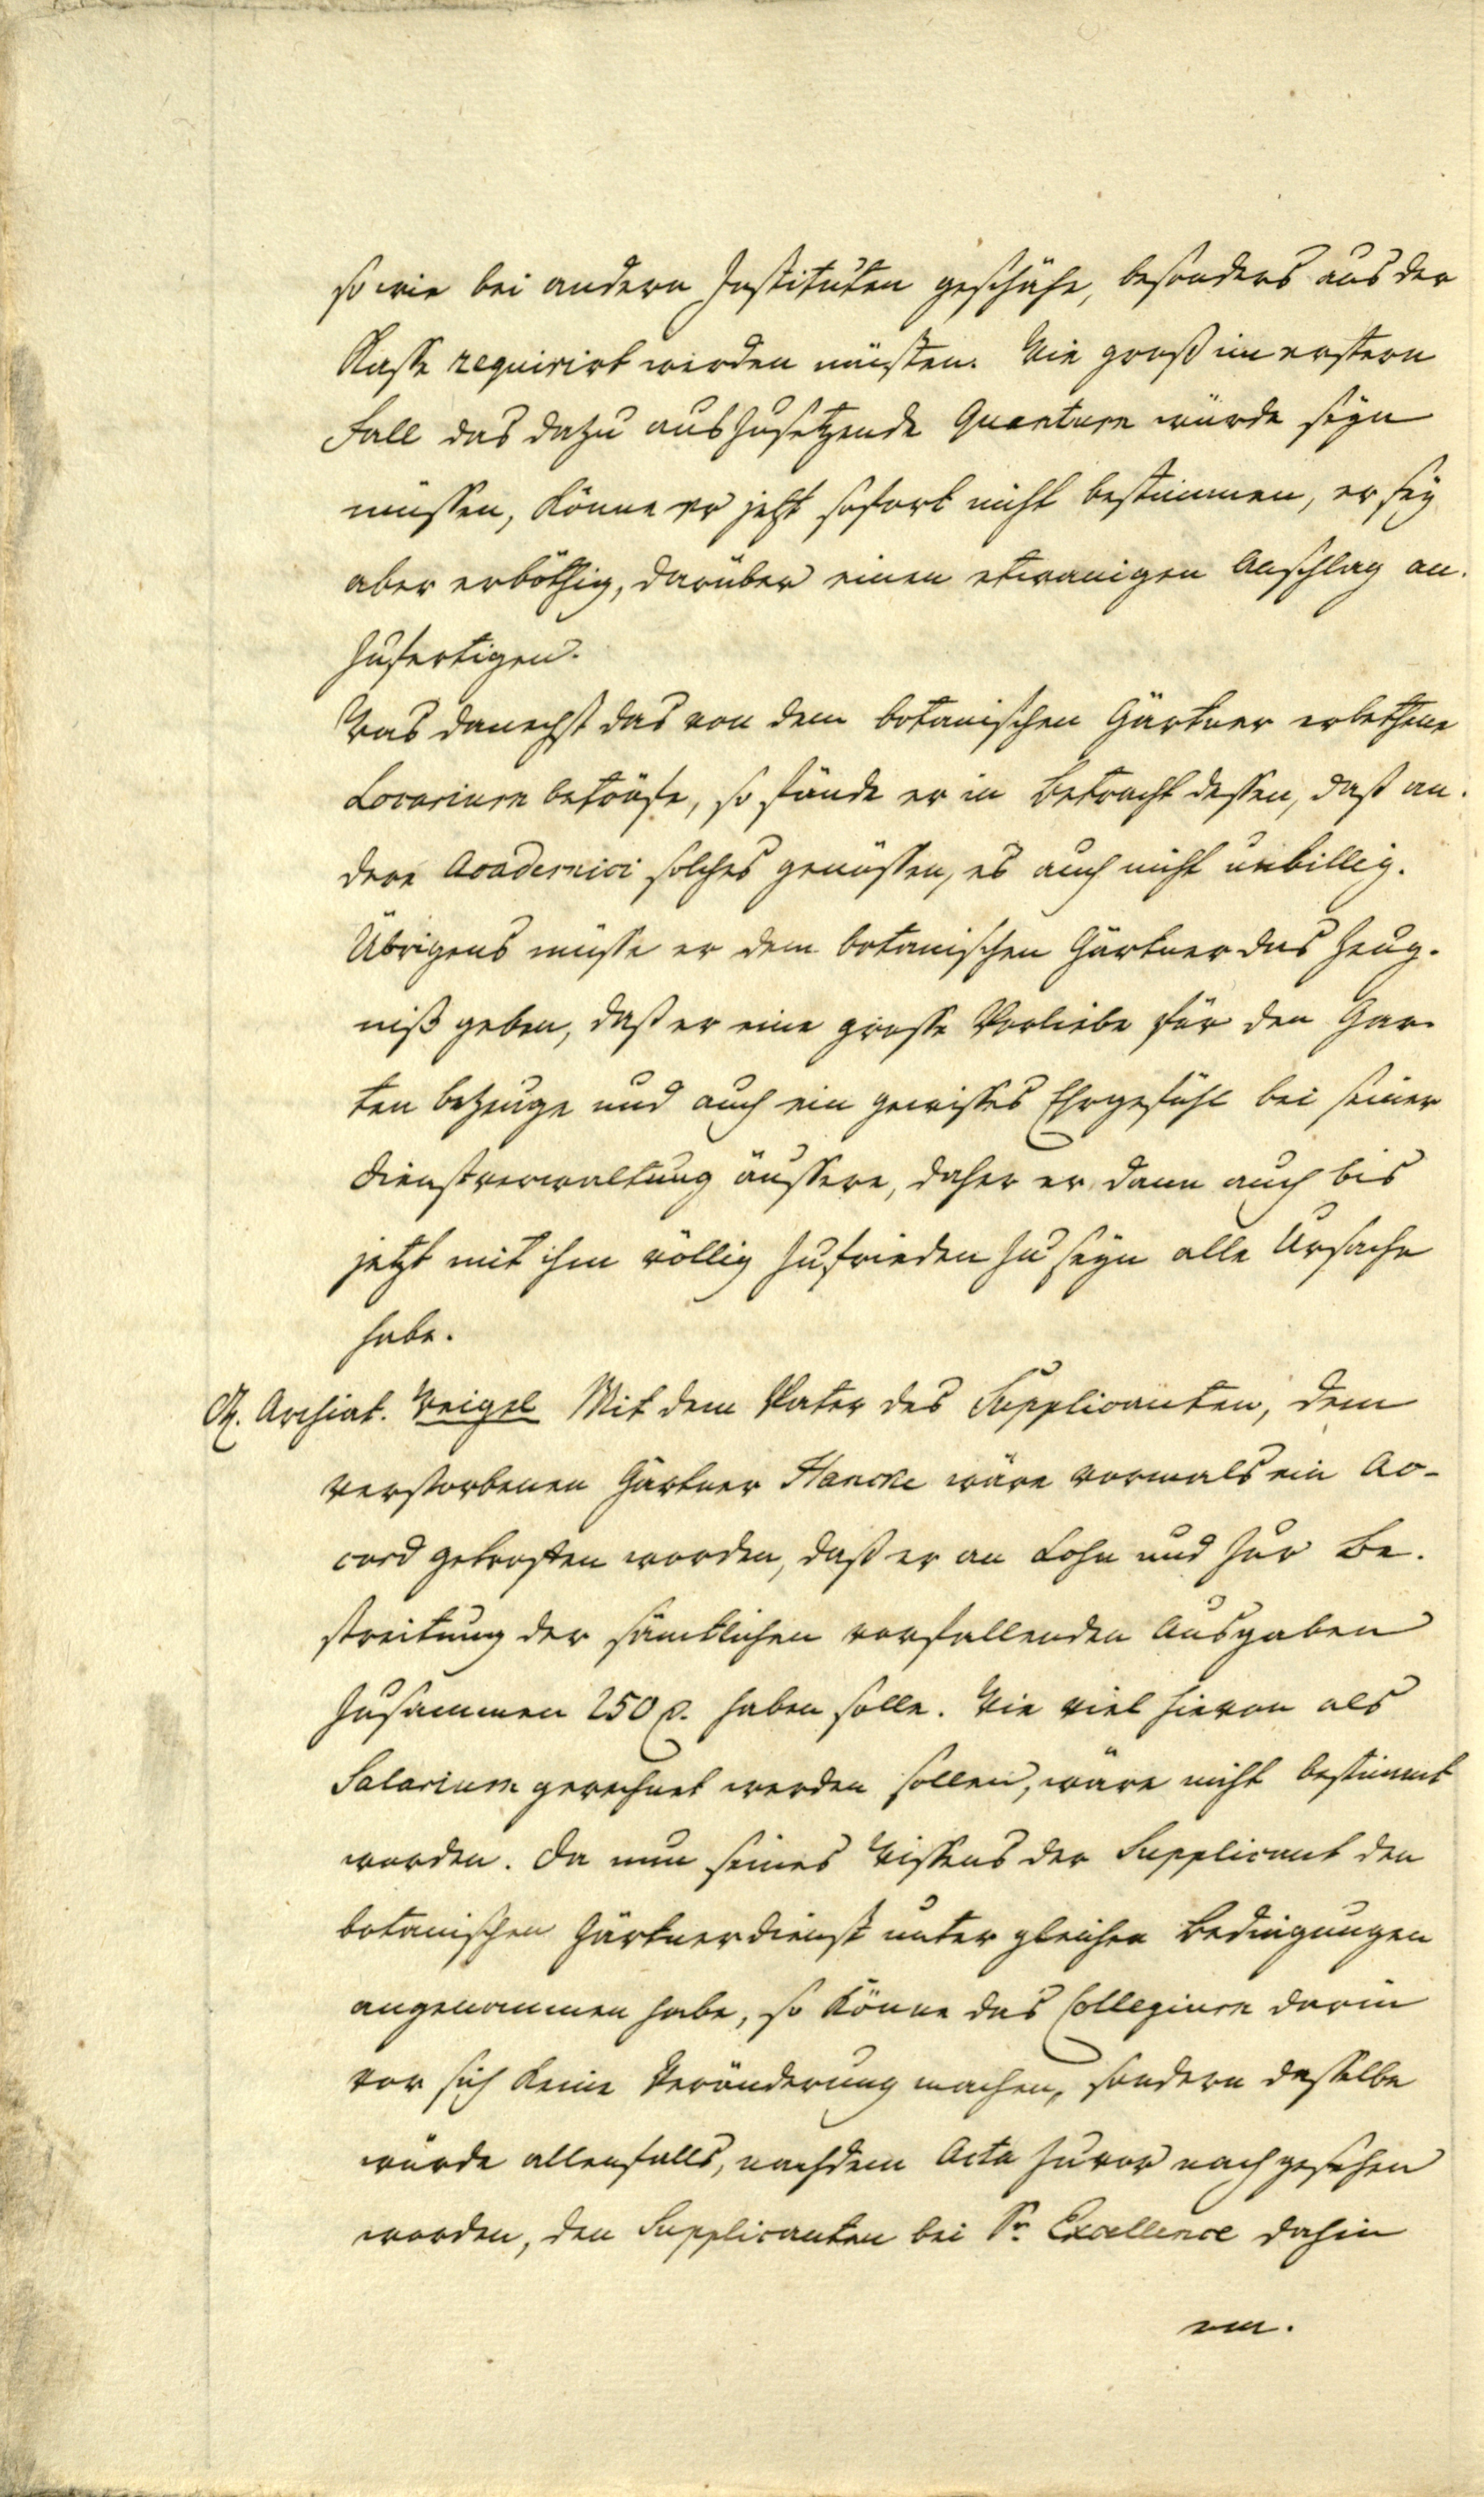so wie bei andern Instituten geschähe, besonders aus der
Kasse requirirt werden müßten. Wie groß im erstern
Fall das dazu aus zusetzende Quantum würde seÿn
müssen, könne er jetzt sofort nicht bestimmen, er seÿ
aber erböthig, darüber einen etwanigen Anschlag an¬
zufertigen.
Was danechst das von dem botanischen Gärtner erbethene
Locarium beträfe, so fände er in Betracht dessen, daß an¬
dere Academici solches genössen, es auch nicht unbillig.
Übrigens müsse er dem botanischen Gärtner das Zeug¬
niß geben, daß er eine grosse Vorliebe für den Gar¬
ten bezeuge und auch ein gewisses Ehrgefühl bei seiner
Dienstverwaltung äussere, daher er dann auch bis
jetzt mit ihm völlig zufrieden zu seÿn alle Ursache
habe.
dh. Archiat. Weigel. Mit dem Vater des Supplicanten, dem
verstorbenen Gärtner Hancke wäre vormals ein Ac¬
cord getroffen worden, daß er an Lohn und zur Be¬
streitung der sämtlichen vorfallenden Ausgaben
zusammen 250 l. haben solle. Wie viel hievon als
Salarium gerechnet werden sollen, wäre nicht bestimmt
worden. Da nun seines Wissens der Supplicant den
botanischen Gärtnerdienst unter gleichen Bedingungen
angenommen habe, so könne das Collegium darin
vor sich keine Veränderung machen, sondern dasselbe
würde allenfalls, nachdem Acta zuvor nachgesehen
worden, den Supplicanten bei Sr Excellence dahin
em